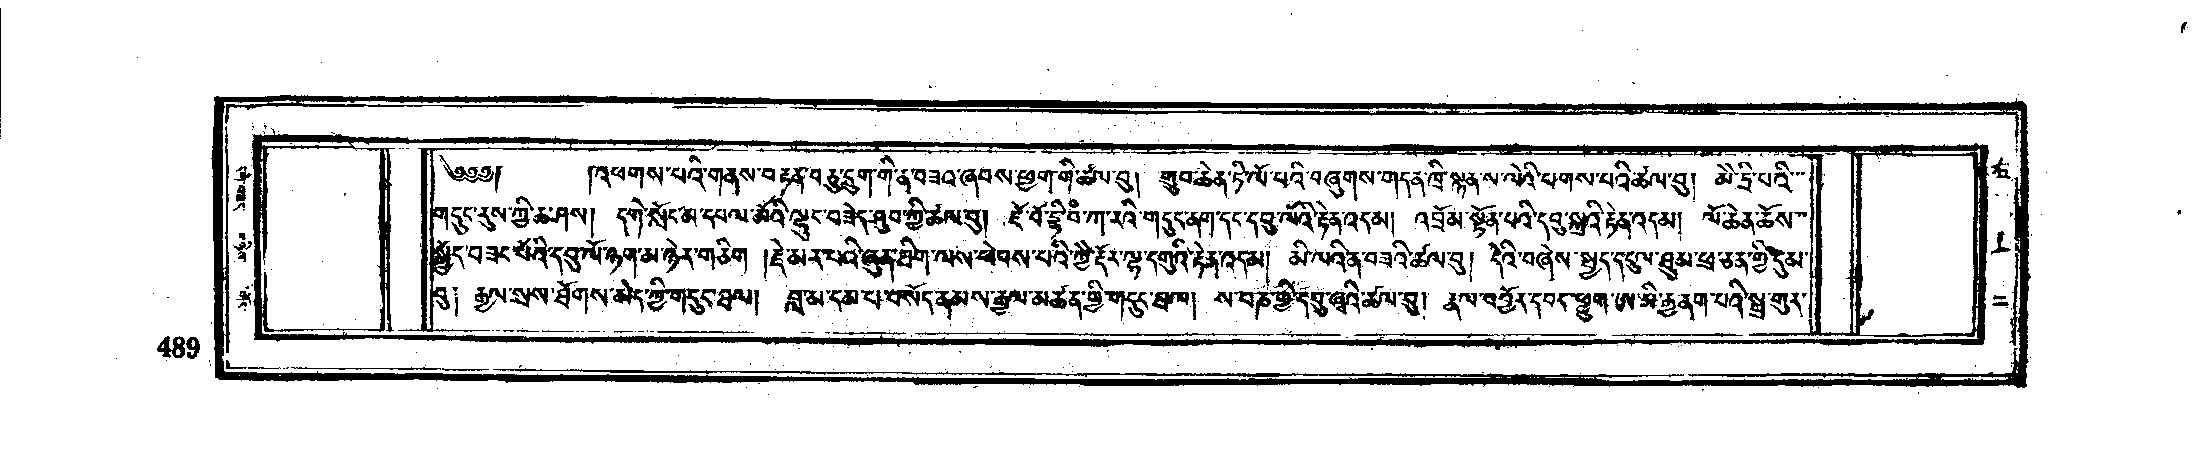༄༅༅། །འཕགས་པའི་གནས་བརྟན་བཅུ་དྲུག་གི་ན་བཟའ་ཞབས་ཕྱག་གི་ཚལ་བུ། གྲུབ་ཆེན་རི་ལོ་པའི་བཞུགས་གདན་ཁྲི་སྙན་ས་ལེའི་པགས་པའི་ཚལ་བུ། མཻ་ཏྲི་པའི་
གདུང་རུས་ཀྱི་ཆ་ཤས། དགེ་སློང་མ་དཔལ་མོའི་ལྷུང་བཟེད་ཤུབ་ཀྱི་ཚལ་བུ། ཇོ་བོ་དྷི་བཾ་ཀ་རའི་གདུང་ནག་དང་དབུ་ལོའི་རྟེན་འདམ། འབྲོམ་སྟོན་པའི་དབུ་སྐྲའི་རྟེན་འདམ། ལོ་ཆེན་ཆོས་
སྐྱོད་བཟང་པོའི་དབུ་ལོ་ཉག་མ་ཉེར་གཅིག །རྗེ་མར་པའི་ཞུན་ཐིག་ལས་ཕེབས་པའི་ཀྱཻ་རྡོར་ལྷ་དགུའི་རྟེན་འདམ། མི་ལའི་ན་བཟའི་ཚལ་བུ། དེའི་བཞེས་སྤྱད་དངུལ་ཐུམ་ཕྲ་ཅན་གྱི་དུམ་
བུ༑ རྒྱལ་སྲས་ཐོགས་མེད་ཀྱི་གདུང་ཐལ། བླ་མ་དམ་པ་བསོད་ནམས་རྒྱལ་མཚན་གྱི་གདུང་ཐལ། ས་པཎ་གྱི་དབུ་ཞྭའི་ཚལ་བུ། རྣལ་འབྱོར་དབང་ཕྱུག་ཨ་མི་རྒྱ་ནག་པའི་སྦྲ་གུར་